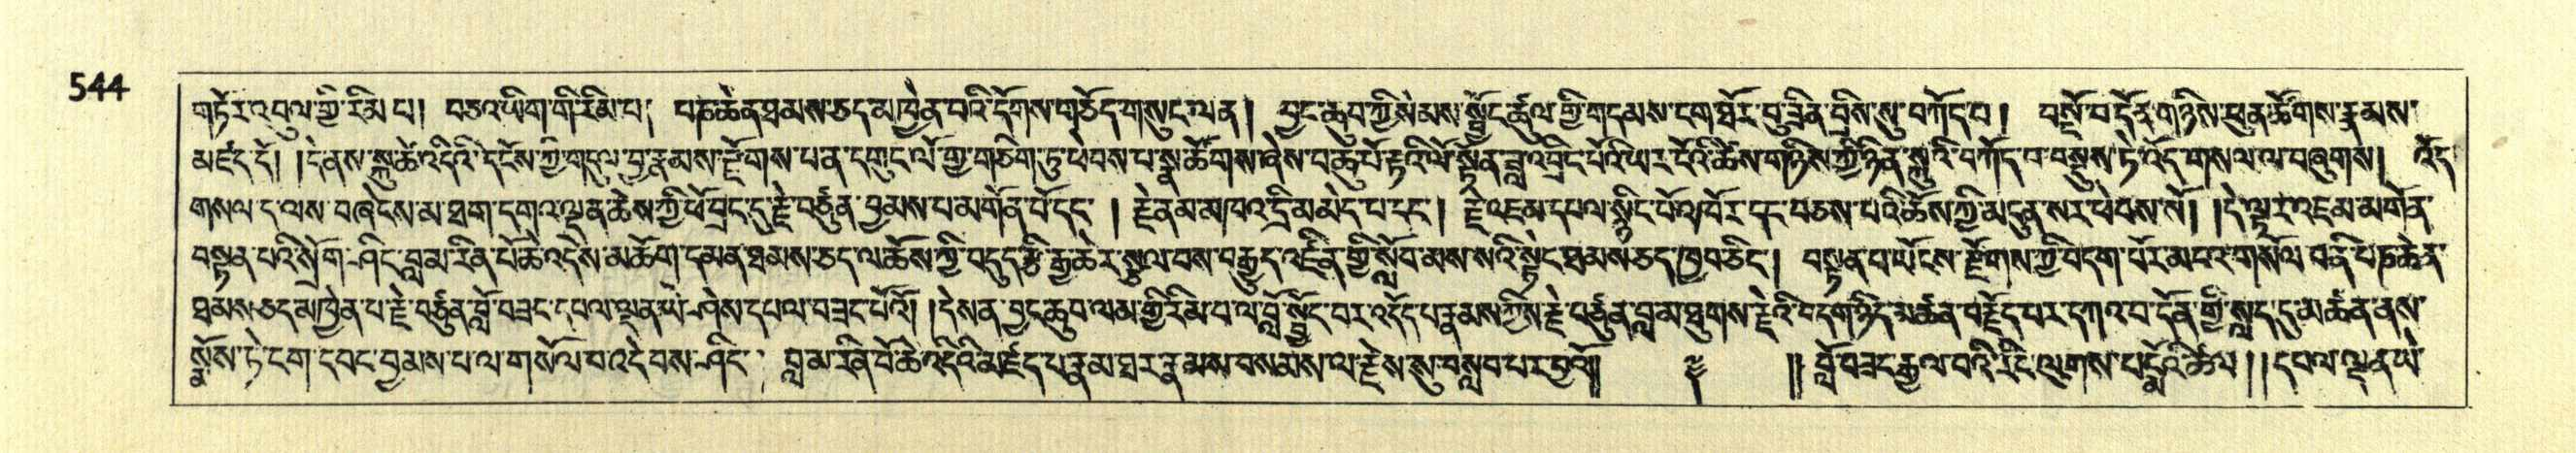གཏོར་འབུལ་གྱི་རིམ་པ། བཅའ་ཡིག་གི་རིམ་པ། པཎ་ཆེན་ཐམས་ཅད་མཁྱེན་པའི་དོགས་གཅོད་གསུང་ལན། བྱང་ཆུབ་ཀྱི་སེམས་སྦྱོང་ཚུལ་གྱི་གདམས་ངག་ཐོར་བུ་ཟིན་བྲིས་སུ་བཀོད་པ། བསྔོ་བ་དོན་གཉིས་ཕུན་ཚོགས་རྣམས།
མཛད་དོ། །དེ་ནས་སྐུ་ཚེ་འདིའི་དངོས་ཀྱི་གདུལ་བྱ་རྣམས་རྫོགས་པ་ན་དགུང་ལོ་གྱ་གཅིག་ཏུ་ཕེབས་པ་སྣ་ཚོགས་ཞེས་པ་ཆུ་པོ་རྟའི་ལོ་སྟོན་ཟླ་འབྲིང་པོའི་ཡར་ངོའི་ཚེ་གཉིས་ཀྱི་ཉིན་སྐུའི་བཀོད་པ་བསྡུས་ཏེ་འོད་གསལ་ལ་བཞུགས། འོད་
གསལ་ད་ལས་བཞེངས་མ་ཐག་དགའ་ལྡན་ཆེས་ཀྱི་ཕོ་བྲང་དུ་རྗེ་བཙུན་བྱམས་པ་མགོན་པོ་དང་། རྗེ་ནམ་མཁའ་དྲི་མ་མེད་པ་དང་། རྗེ་འཇམ་དཔལ་སྙིང་པོ་འཁོར་དང་བཅས་པའི་ཆོས་ཀྱི་མདུན་སར་ཕེབས་སོ། །དེ་ལྟར་འཇམ་མགོན་
བསྟན་པའི་སྲོག་ཤིང་བླ་མ་རིན་པོ་ཆེ་འདེས་མཆོག་དམན་ཐམས་ཅད་ལ་ཆོས་ཀྱི་བདུད་རྩི་རྒྱ་ཆེར་སྩལ་བས་བརྒྱུད་འཛིན་གྱི་སློབ་མས་སའི་སྟེང་ཐམས་ཅད་ཁྱབ་ཅིང་། བསྟན་པ་ཡོངས་རྫོགས་ཀྱི་བདག་པོར་མངའ་གསོལ་བ་ནི་པཎ་ཆེན་
ཐམས་ཅད་མཁྱེན་པ་རྗེ་བཙུན་བློ་བཟང་དཔལ་ལྡན་ཡེ་ཤེས་དཔལ་བཟང་པོའོ། །དེས་ན་བྱང་ཆུབ་ལམ་གྱི་རིམ་པ་ལ་བློ་སྦྱོང་བར་འདོད་པ་རྣམས་ཀྱིས་རྗེ་བཙུན་བླ་མ་ཐུགས་རྗེའི་བདག་ཉིད་མཚན་བརྗོད་པར་དཀའ་བ་དོན་གྱི་སླད་དུ་མཚན་ནས་
སྨོས་ཏེ་ངག་དབང་བྱམས་པ་ལ་གསོལ་བ་འདེབས་ཤིང་། བླ་མ་རིན་པོ་ཆེ་འདིའི་མཛད་པ་རྣམ་ཐར་རྣམས་བསམས་ལ་རྗེས་སུ་བསླབ་པར་བྱའོ།། ༈ །།བློ་བཟང་རྒྱལ་བའི་རིང་ལུགས་པདམོའི་ཚལ། །དཔལ་ལྡན་ཡེ་